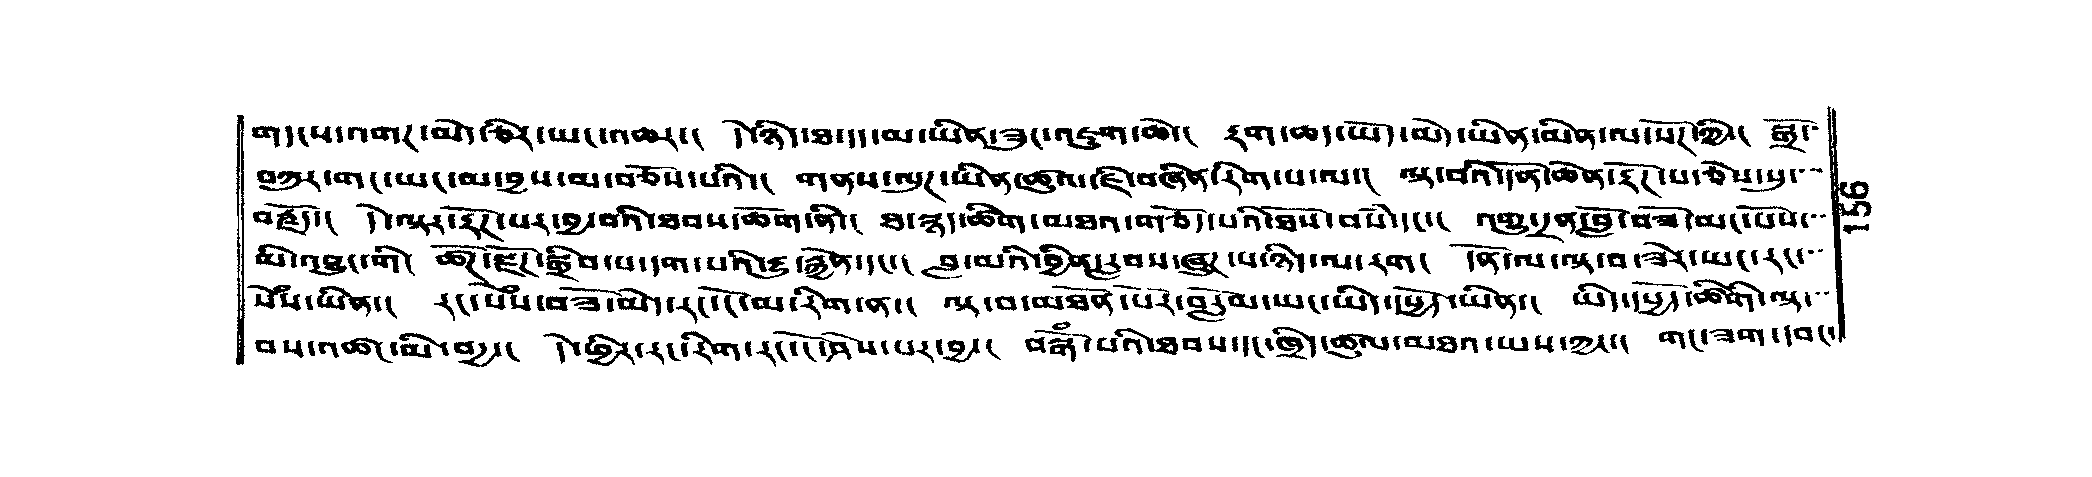གདངས་འགགས་མེད་ཅིར་ཡང་འཆར། །དེ་ཉིད་ཐ་དད་མ་ཡིན་ཟུང་འཇུག་ཆེ། །རྟག་ཆད་ཡོད་མེད་ཡིན་མིན་ལ་སོགས་ཀྱི། །སྒྲོ་
བཀུར་གང་ཡང་མ་བྱས་མ་བཅོས་པའི། །གནས་ལུགས་ཡིན་ཚུལ་ཇི་བཞིན་རིག་པ་ལ། །ལྟ་བའི་དོན་ཆེན་རྟོགས་པར་ཞེས་སུ་
བརྗོད། །དེ་ལྟར་རྟོགས་པར་བྱ་བའི་ཐབས་མཆོག་ནི། །ཐ་སྙད་ཚིག་མཐའ་གཅོད་པའི་ཐོས་བསམ་དང་། །འགྱུ་དྲན་བློ་བཟོ་མང་པོས་
མི་འབྱུང་གི།ཚོགས་རྫོགས་སྒྲིབ་པ་དག་པའི་རྒྱུ་རྐྱེན་དང་། །བླ་མའི་བྱིན་རླབས་ཞུགས་པ་ཉིད་ལ་རག །དོན་ལ་ལྟ་བ་ཟེར་ཡང་རང་
སེམས་ཡིན། །རང་སེམས་བཟོ་མེད་རང་ངོ་མ་རིག་ན། །ལྟ་བ་མཐོན་པོར་བརློམ་ཡང་ཡིད་དཔྱོད་ཡིན། །ཡིད་དཔྱོད་ཚིག་གི་ལྟ་
བས་འཚང་མི་རྒྱ། །དེ་ཕྱིར་རང་རིག་རང་ངོ་ཤེས་པར་བྱ། །སྒོམ་པའི་ཐབས་དང་ཁྲིད་ཚུལ་མཐའ་ཡས་ཀྱང། །གང་ཟག་དབང་